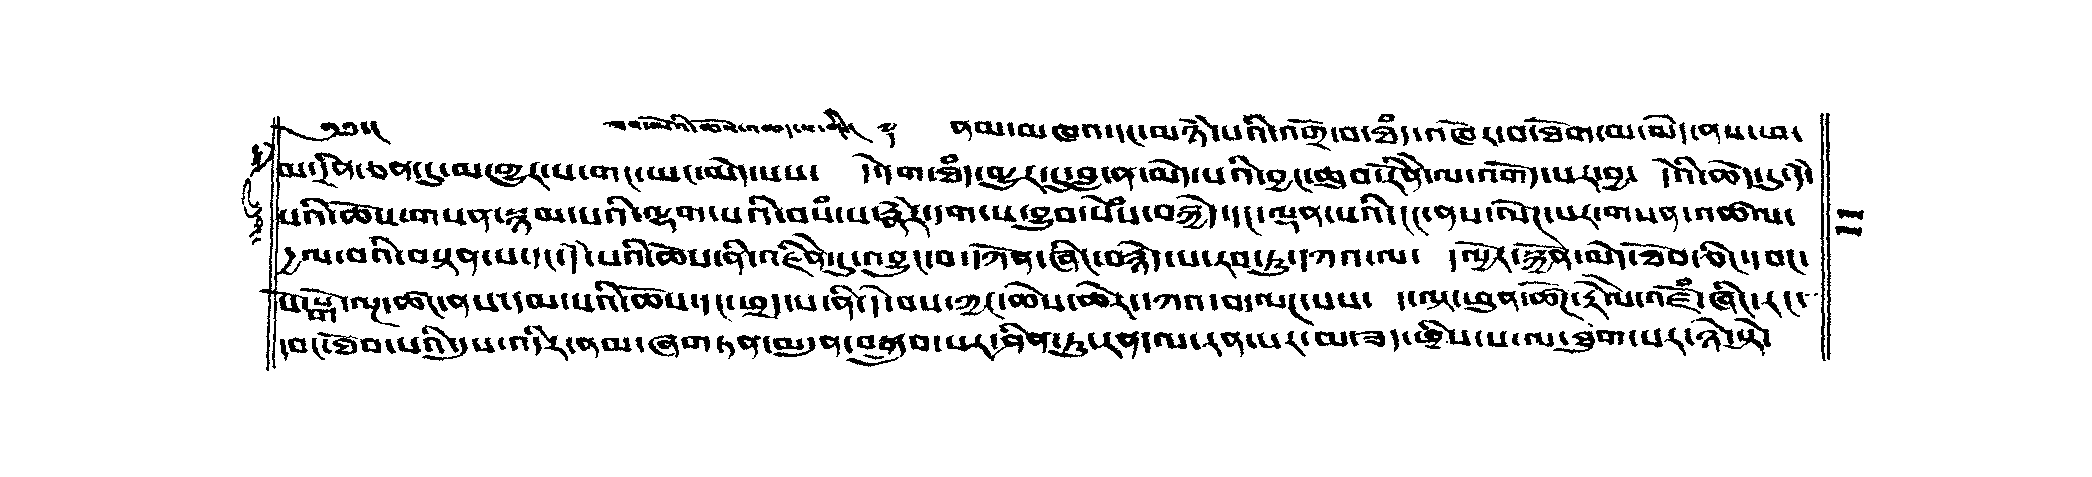ཟབ་མོའི་ཆོས་འཆད་པ་ནི། ༈ ནམ་མཁའ་དང་མཉམ་པའི་འགྲོ་བ་ཐམས་ཅད་འཁོར་བ་ཐོག་མ་མེད་ནས་ཕ་
མ་དྲིན་ཅན་དུ་མ་གྱུར་པ་གང་ཡང་མེད་པས། དེ་དག་ཐམས་ཅད་མྱུར་དུ་བླ་ན་མེད་པའི་བྱང་ཆུབ་རིན་པོ་ཆེ་ལ་འགོད་པར་བྱ། དེའི་ཆེད་དུ་དམ་
པའི་ཆོས་གསན་སྙམ་པའི་ལྷག་པའི་བསམ་པ་རྣམ་པར་དག་པ་བྱང་ཆུབ་སེམས་བསྐྱེད་དང་ལྡན་པའི་ངང་ནས་ལེགས་པར་གསན་འཚལ་
རྒྱལ་བའི་བསྟན་པ་དང་དམ་པའི་ཆོས་ནི་འཇིག་རྟེན་དུ་འབྱུང་བ་དཀོན་ཞིང་བརྙེད་པ་རབ་ཏུ་དཀའ་ལ།དལ་འབྱོར་སྐྱོར་མེད་ཐོབ་ཅིང་དབང་
པོ་སྒོ་ལྔ་ཚང་ནས་དམ་པའི་ཆོས་དང་ཕྲད་པ་ནི་དེ་བས་ཀྱང་ཆེས་ཆེར་དཀའ་བ་ལགས་པས། ད་ལྟ་ཕུན་ཚོགས་རྟེན་འབྲེལ་འཛོམ་ཞིང་རང་
དབང་ཐོབ་པའི་དུས་འདིར་ནམ་ཞག་གཏན་མདུན་བསྒྲུབ་པར་ཤིན་ཏུ་རན་ལ་རན་པར་མ་ཟད་ཕྱིས་པ་ལ་ཐུག་ལར་ཉེ་སྟེ་